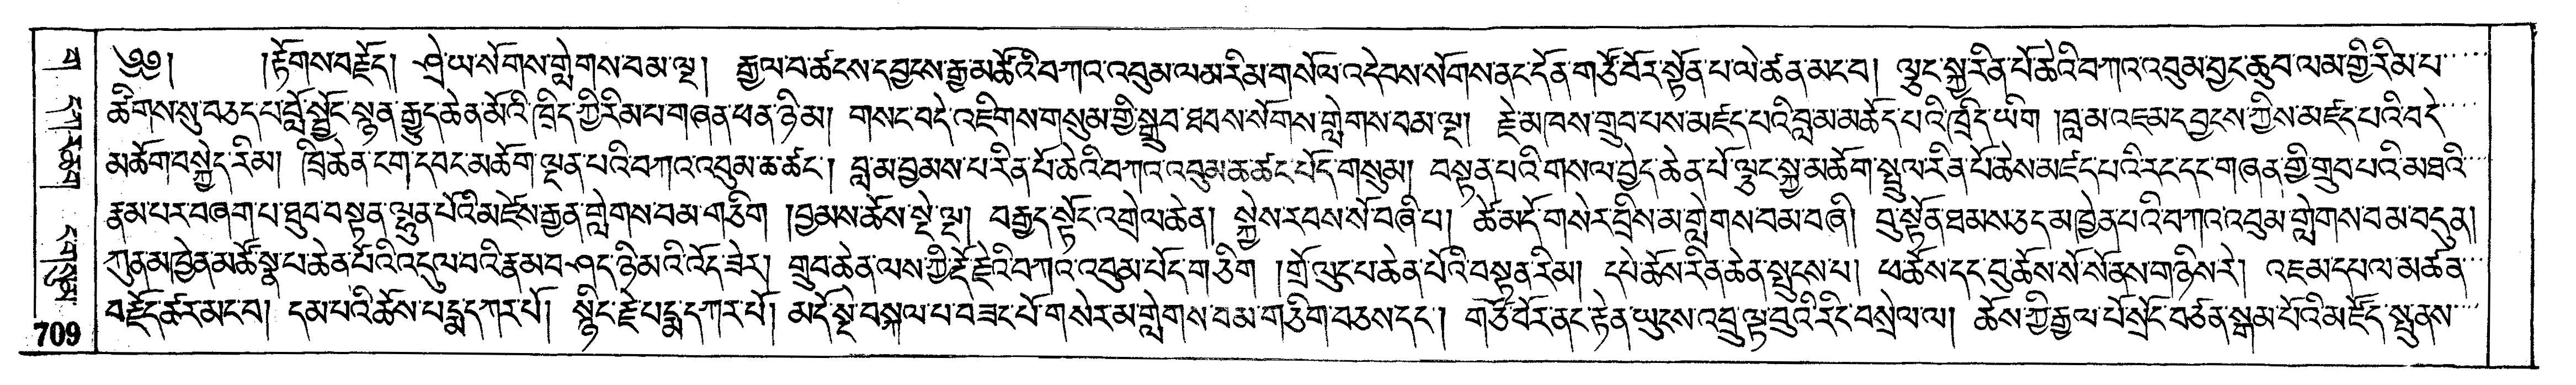༄༅། །རྟོགས་བརྗོད། ཤྲེ་ཡ་སོགས་གླེགས་བམ་ལྔ། རྒྱལ་བ་ཚངས་དབྱངས་རྒྱ་མཚོའི་བཀའ་འབུམ་ལམ་རིམ་གསོལ་འདེབས་སོགས་ནང་དོན་གཙོ་བོར་སྟོན་པ་ལེ་ཚན་མང་བ། ལྕང་སྐྱ་རིན་པོ་ཆེའི་བཀའ་འབུམ་བྱང་ཆུབ་ལམ་གྱི་རིམ་པ་
ཚིགས་སུ་བཅད་པ་བློ་སྦྱོང་སྙན་རྒྱུད་ཆེན་མོའི་ཁྲིད་ཀྱི་རིམ་པ་གཞན་ཕན་ཉི་མ། གསང་བདེ་འཇིགས་གསུམ་གྱི་སྒྲུབ་ཐབས་སོགས་གླེགས་བམ་ལྔ། རྗེ་མཁས་གྲུབ་པས་མཛད་པའི་བླ་མ་མཆོད་པའི་ཁྲིད་ཡིག །བླ་མ་འཇམ་དབྱངས་ཀྱིས་མཛད་པའི་བདེ་
མཆོག་བསྐྱེད་རིམ། ཁྲི་ཆེན་ངག་དབང་མཆོག་ལྡན་པའི་བཀའ་འབུམ་ཆ་ཚང་། བླ་མ་བྱམས་པ་རིན་པོ་ཆེའི་བཀའ་འབུམ་ཆ་ཚང་པོད་གསུམ། བསྟན་པའི་གསལ་བྱེད་ཆེན་པོ་ལྕང་སྐྱ་མཆོག་སྤྲུལ་རིན་པོ་ཆེས་མཛད་པའི་རང་དང་གཞན་གྱི་གྲུབ་པའི་མཐའི་
རྣམ་པར་བཞག་པ་ཐུབ་བསྟན་ལྷུན་པོའི་མཛེས་རྒྱན་གླེགས་བམ་གཅིག །བྱམས་ཆོས་སྡེ་ལྔ། བརྒྱད་སྟོང་འགྲེལ་ཆེན། སྐྱེས་རབས་སོ་བཞི་པ། ཚེ་མདོ་གསེར་བྲིས་མ་གླེགས་བམ་བཞི། བུ་སྟོན་ཐམས་ཅད་མཁྱེན་པའི་བཀའ་འབུམ་གླེགས་བམ་བདུན།
ཀུན་མཁྱེན་མཚོ་སྣ་པ་ཆེན་པོའི་འདུལ་བའི་རྣམ་བཤད་ཉི་མའི་འོད་ཟེར། གྲུབ་ཆེན་ལས་ཀྱི་རྡོ་རྗེའི་བཀའ་འབུམ་པོད་གཅིག །གྲོ་ལུང་པ་ཆེན་པོའི་བསྟན་རིམ། དཔེ་ཆོས་རིན་ཆེན་སྤུངས་པ། ཕ་ཆོས་དང་བུ་ཆོས་སོ་སོ་ནས་གཉིས་རེ། འཇམ་དཔལ་མཚན་
བརྗོད་ཚར་མང་བ། དམ་པའི་ཆོས་པདམ་དཀར་པོ། སྙིང་རྗེ་པདམ་དཀར་པོ། མདོ་སྡེ་བསྐལ་བ་བཟང་པོ་གསེར་མ་གླེགས་བམ་གཅིག་བཅས་དང་། གཙོ་བོར་ནང་རྟེན་ཡུངས་འབྲུ་ལྟ་བུའི་རིང་བསྲེལ་ལ། ཆོས་ཀྱི་རྒྱལ་པོ་སྲོང་བཙན་སྒམ་པོའི་མཛོད་སྤུ་ནས་